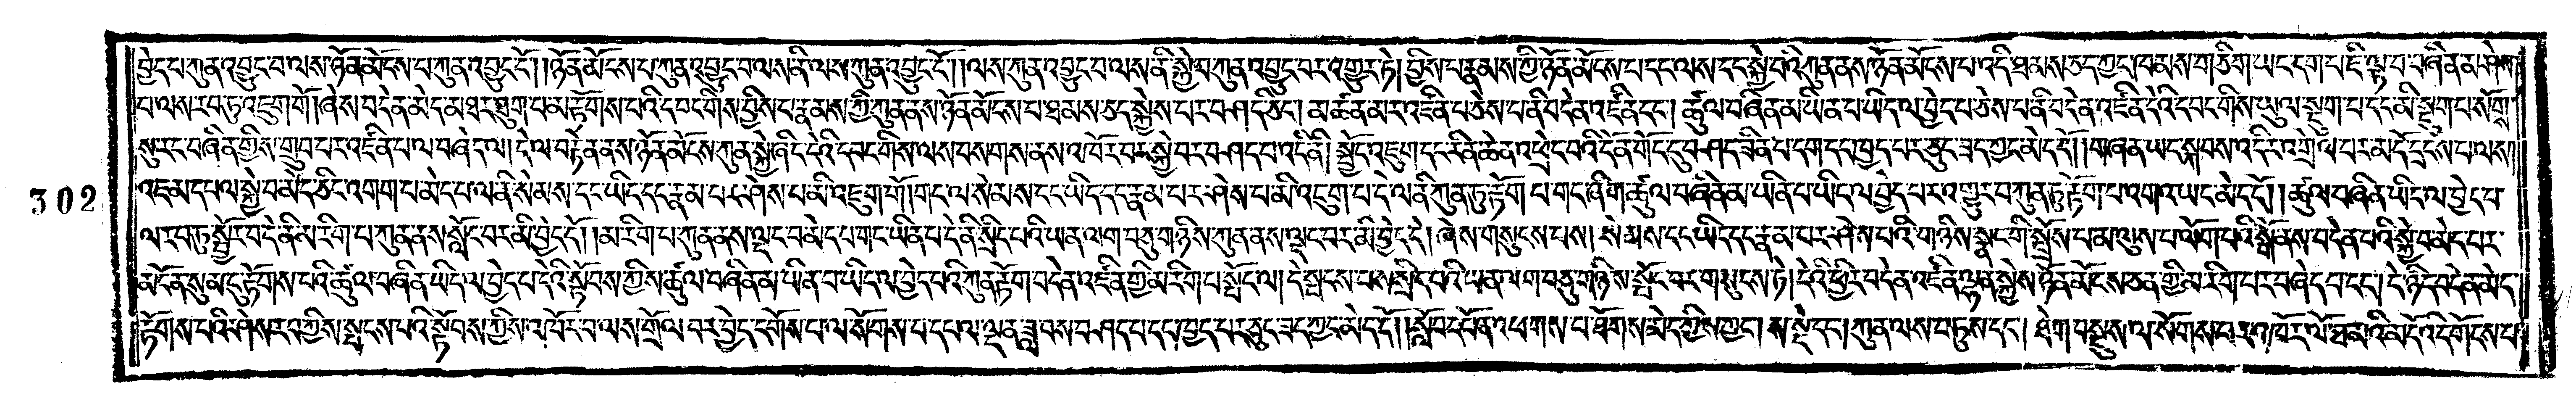བྱེད་བ་ཀུན་འབྱུང་བ་ལས་ཉོན་མོངས་བ་ཀུན་འབྱུང་ངོ། །ཉོན་མོངས་པ་ཀུན་འབྱུང་བ་ལས་ནི་ལས་ཀུན་འབྱུང་ངོ། །ལས་ཀུན་འབྱུང་བ་ལས་ནི་སྐྱེ་བ་ཀུན་འབྱུང་བར་འགྱུར་ཏེ། བྱིས་པ་རྣམས་ཀྱི་ཉོན་མོངས་པ་དང་ལས་དང་སྐྱེ་བའི་ཀུན་ནས་ཉོན་མོངས་པ་འདི་ཐམས་ཅད་ཀྱང་ཁམས་གཅིག་ཡང་དག་པ་ཇི་ལྟ་བ་བཞིན་མ་ཤེས་
པ་ལས་རབ་ཏུ་འཇུག་གོ །ཞེས་བདེན་མེད་མཐར་ཐུག་པ་མ་རྟོགས་པའི་དབང་གིས་བྱིས་པ་རྣམས་ཀྱི་ཀུན་ནས་ཉོན་མོངས་པ་ཐམས་ཅད་སྐྱེས་པར་བཤད་ཅིང་། མཚན་མར་འཛིན་པ་ཅེས་པ་ནི་བདེན་འཛིན་དང་། ཚུལ་བཞིན་མ་ཡིན་པ་ཡིད་ལ་བྱེད་པ་ཅེས་པ་ནི་བདེན་འཛིན་དེའི་དབང་གིས་ཡུལ་སྡུག་པ་དང་མི་སྡུག་པ་སོགས་
སུ་རང་བཞིན་གྱིས་གྲུབ་པར་འཛིན་པ་ལ་བཞེད་ལ། དེ་ལ་བརྟེན་ནས་ཉོན་མོངས་ཀུན་སྐྱེ་ཞིང་དེའི་དབང་གིས་ལས་བསགས་ནས་འཁོར་བར་སྐྱེ་བར་བཤད་པ་འདི་ནི། སྤྱོད་འཇུག་དང་རིན་ཆེན་འཕྲེང་བའི་དོན་གོང་དུ་བཤད་ཟིན་པ་དག་དང་ཁྱད་པར་ཅུང་ཟད་ཀྱང་མེད་དོ། །གཞན་ཡང་སྐབས་འདིར་འགྲེལ་བར་མདོ་དྲངས་པ་ལས།
འཇམ་དཔལ་སྐྱེ་བ་མེད་ཅིང་འགག་པ་མེད་པ་ལ་ནི་སེམས་དང་ཡིད་དང་རྣམ་པར་ཤེས་པ་མི་འཇུག་གོ །གང་ལ་སེམས་དང་ཡིད་དང་རྣམ་པར་ཤེས་པ་མི་འཇུག་པ་དེ་ལ་ནི་ཀུན་ཏུ་རྟོག་པ་གང་ཞིག་ཚུལ་བཞིན་མ་ཡིན་པ་ཡིད་ལ་བྱེད་པར་འགྱུར་བ་ཀུན་ཏུ་རྟོག་པ་འགའ་ཡང་མེད་དོ། །ཚུལ་བཞིན་ཡིད་ལ་བྱེད་བ་
ལ་རབ་ཏུ་སྦྱོར་བདེན་ནི་མ་རིག་པ་ཀུན་ནས་སློང་བར་མི་བྱེད་དོ། །མ་རིག་པ་ཀུན་ནས་ལྡང་བ་མེད་པ་གང་ཡིན་པ་དེ་ནི་སྲིད་པའི་ཡན་ལག་བཅུ་གཉིས་ཀུན་ནས་ལྡང་བར་མི་བྱེད་དེ། ཞེས་གསུངས་པས། སེམས་དང་ཡིད་དང་རྣམ་པར་ཤེས་པའི་གཉིས་སྣང་གི་སྤྲོས་པ་མ་ལུས་པ་ལོག་པའི་སྒོ་ནས་བདེན་པའི་སྐྱེ་བ་མེད་པར་
མངོན་སུམ་དུ་རྟོགས་པའི་ཚུལ་བཞིན་ཡིད་ལ་བྱེད་པ་དེའི་སྟོབས་ཀྱིས་ཚུལ་བཞིན་མ་ཡིན་པ་ཡིད་ལ་བྱེད་པའི་ཀུན་རྟོག་བདེན་འཛིན་གྱི་མ་རིག་པ་སྤོང་ལ། དེ་སྤངས་པས་སྲིད་པའི་ཡན་ལག་བཅུ་གཉིས་སྤོང་བར་གསུངས་ཏེ། དེའི་ཕྱིར་བདེན་འཛིན་ལྷན་སྐྱེས་ཉོན་མོངས་ཅན་གྱི་མ་རིག་པར་བཞེད་པ་དང་། དེ་ཉིད་བདེན་མེད་
རྟོགས་པའི་ཤེས་རབ་ཀྱིས་སྤངས་པའི་སྟོབས་ཀྱིས་འཁོར་བ་ལས་གྲོལ་བར་བྱེད་དགོས་པ་ལ་སོགས་པ་དཔལ་ལྡན་ཟླ་བས་བཤད་པ་དང་ཁྱད་པར་ཅུང་ཟད་ཀྱང་མེད་དོ། །སློབ་དཔོན་འཕགས་པ་ཐོགས་མེད་ཀྱིས་ཀྱང་། ས་སྡེ་དང་། ཀུན་ལས་བཏུས་དང་། ཐེག་བསྡུས་ལ་སོགས་པར་འཁོར་ལོ་ཐ་མའི་མདོའི་དགོངས་པ་